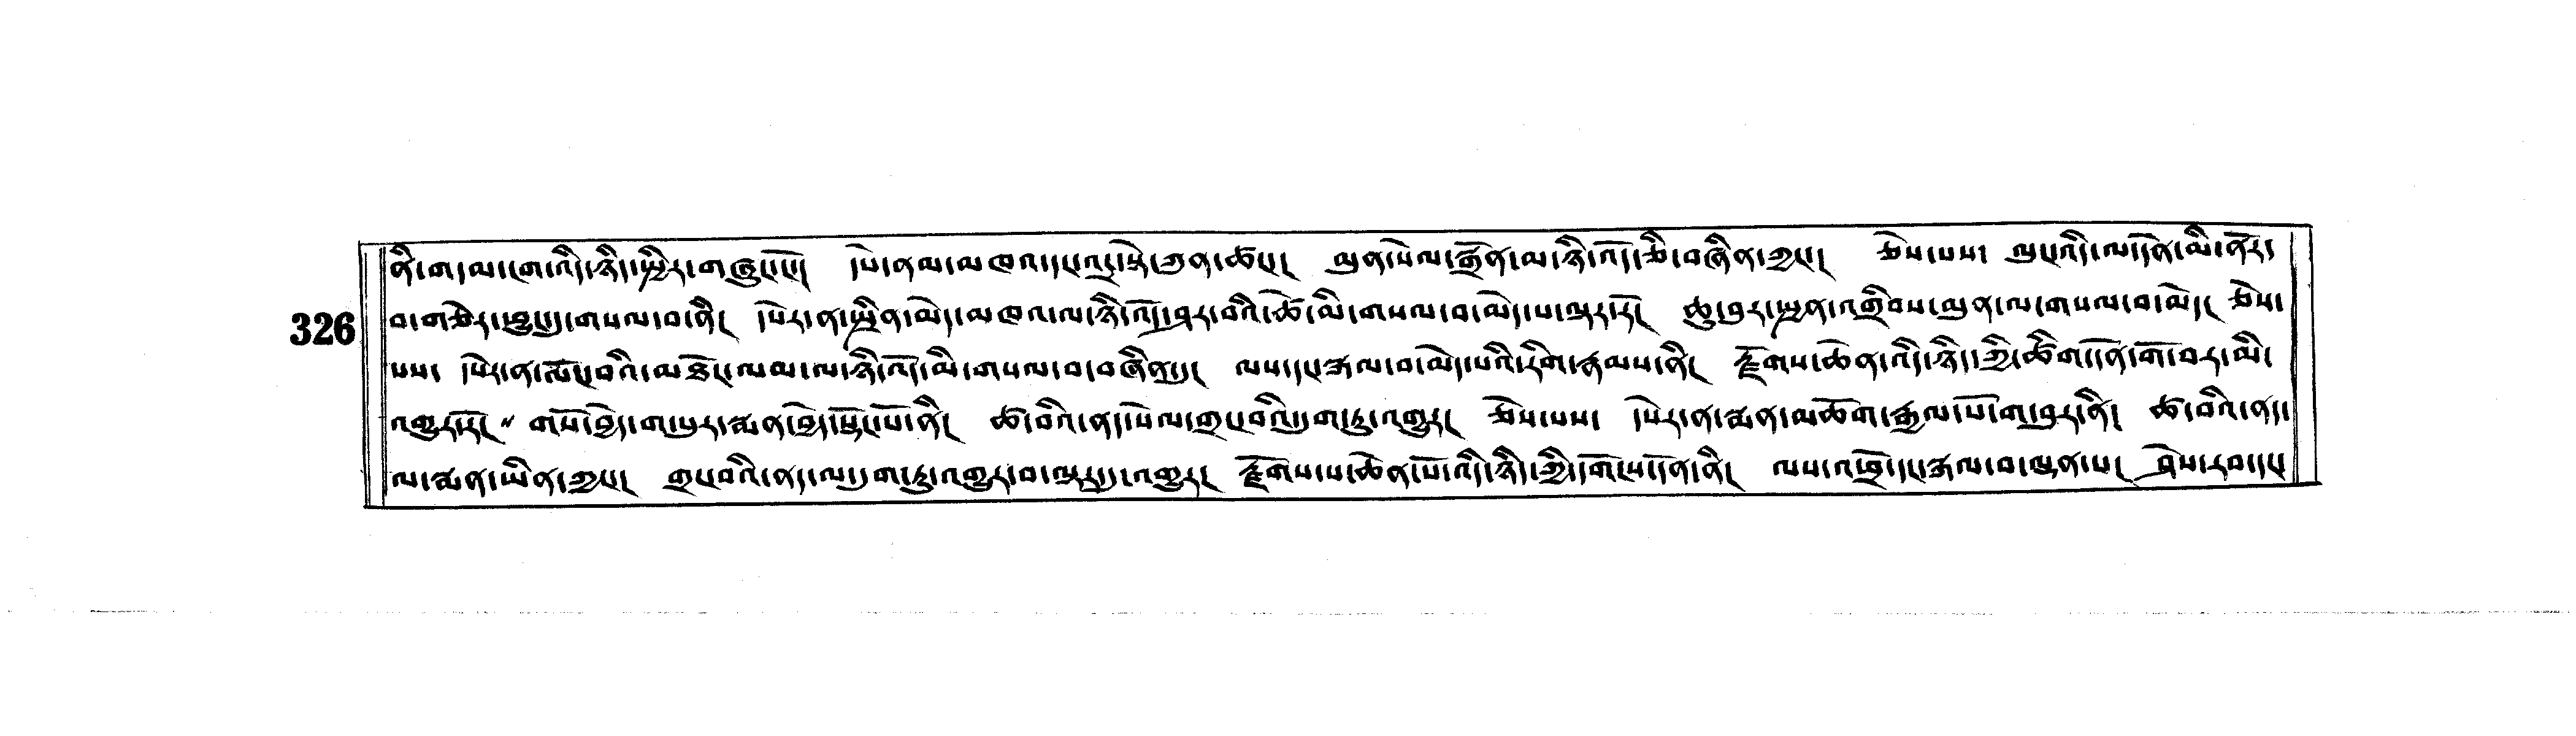ནི་གདམས་ངག་འདི་ཉིད་སྤྱིར་གཞུང་ངོ་། དཔེ་ནམ་མཁའ་དང་འདྲ་སྟེ་ཀུན་ཚང་། མུན་སེལ་སྒྲོན་མ་ནི་འོད་ཅི་བཞིིན་ཀྱང་། ཅེས་པས། ལུང་འདི་ཉིད་ལ་དོན་མི་ནོར་
བ་གཅེར་ཕྱུང་དུ་གསལ་བ་ནི། དཔེར་ན། སྤྲིན་མེད་མཁའ་ལ་ཉི་འོད་ཤར་བའི་ཚེ་མི་གསལ་བ་མེད་པ་ལྟར་རོ། ཆུ་བུར་སྤྱན་འགྲིབ་མུན་ལ་གསལ་བ་མེད། ཅེས་
པས། དཔེར་ན་ལོང་བའི་མཐོང་ལམ་ལ་ཉི་འོད་མི་གསལ་བ་བཞིན་དུ། ལས་དང་སྐལ་པ་མེད་པའི་རིགས་རྣམས་ནི་རྫོགས་ཆེན་འདི་ཉིད་ཀྱི་ཚིག་དོན་གོ་བར་མི་
འགྱུར་རོ། ༧ གསོ་བྱེད་ག་པུར་སྨན་བྱེད་སྡོང་པོ་ནི། ཚ་བའི་ནད་སེལ་གྲང་བའི་དུག་ཏུ་འགྱུར། ཅེས་པས། དཔེར་ན། སྨན་མཆོག་རྒྱལ་པོ་ག་པུར་ནི། ཚ་བའི་ནད་
ལ་སྨན་ཡིན་ཀྱང་། གྲང་བའི་ནད་ལ་དུག་ཏུ་འགྱུར་བ་ལྟར་དུ་འགྱུར། རྫོགས་པ་ཆེན་པོ་འདི་ཉིད་ཀྱི་དགོངས་དོན་ནི། ལས་འཕྲོ་དང་སྐལ་པ་ལྡན་པ། ཤེས་རབ་དང་